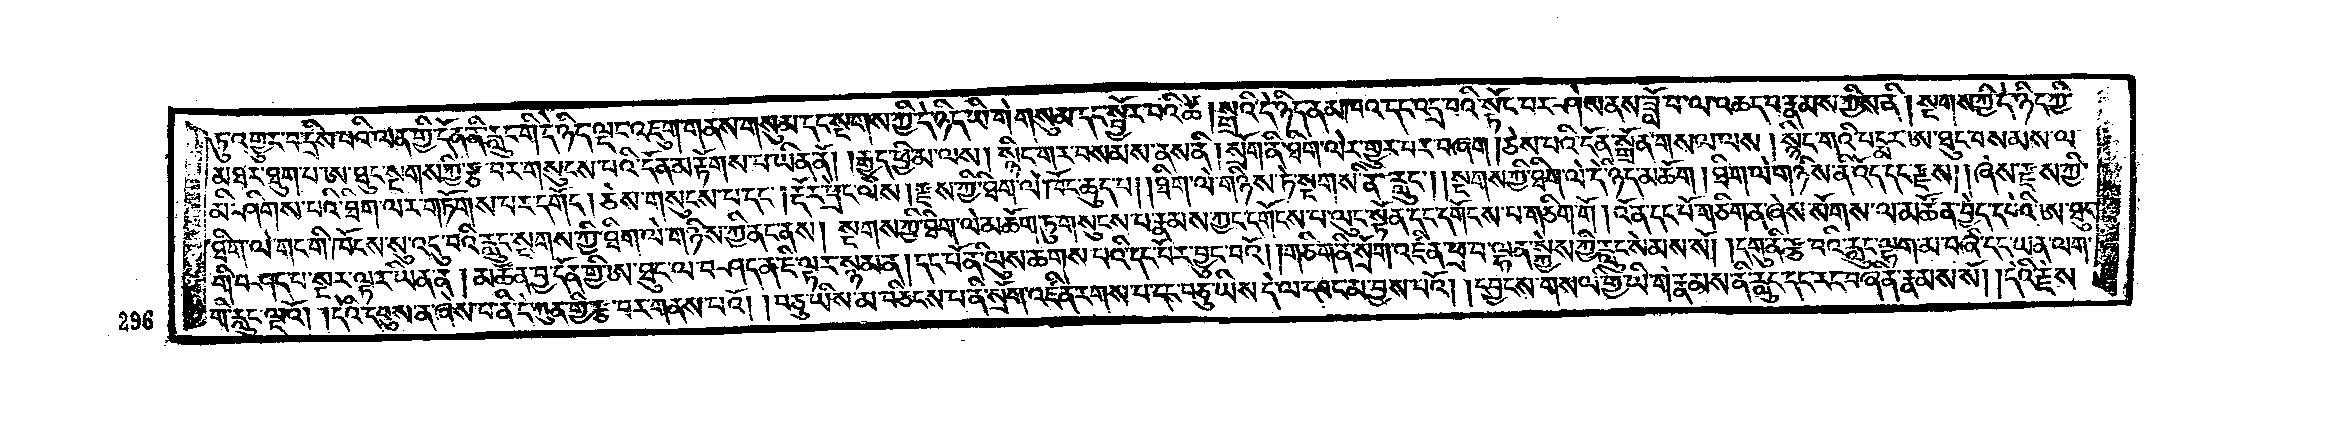ཏུ་འགྱུར་བ་དྲིས་པའི་ལན་གྱི་དོན་ནི་རླུང་གི་དེ་ཉིད་ལྡང་འཇུག་གནས་གསུམ་དང་སྔགས་ཀྱི་དེ་ཉིད་ཡི་གེ་གསུམ་དང་སྦྱོར་བའི་ཚེ། སྒྲའི་དེ་ཉིད་ནམ་མཁའ་དང་འདྲ་བའི་སྟོང་པར་ཤེས་ནས་ཟློ་བ་ལ་འཆད་བ་རྣམས་ཀྱིས་ནི། སྔགས་ཀྱི་དེ་ཉིད་ཀྱི་
མཐར་ཐུག་པ་ཨ་ཐུང་སྔགས་ཀྱི་རྩ་བར་གསུངས་པའི་དོན་མ་རྟོགས་པ་ཡིན་ནོ། །རྒྱུད་ཕྱི་མ་ལས། སྙིང་གར་བསམས་ནས་ནི། སྲོག་ནི་ཐིག་ལེར་གྱུར་པར་བཞག །ཅེས་པའི་དོན་སྒྲོན་གསལ་ལས། སྙིང་གའི་པདམར་ཨ་ཐུང་བསམས་ལ་
མི་ཤིགས་པའི་ཐིག་ལེར་གཏོགས་པར་དགོད། ཅེས་གསུངས་པ་དང་། རྡོར་ཕྲེང་ལས། རྫས་ཀྱི་ཐིག་ལེ་ཁོང་ཆུད་པ། །ཐིག་ལེ་གཉིས་ཏེ་སྔགས་དང་རླུང་། །སྔགས་ཀྱི་ཐིག་ལེ་དེ་ཉིད་མཆོག །ཐིག་ལེ་གཉིས་ནི་འོད་དང་རྫས། །ཞེས་རྫས་ཀྱི་
ཐིག་ལེ་གང་གི་ཁོངས་སུ་འདུ་བའི་རླུང་སྔགས་ཀྱི་ཐིག་ལེ་གཉིས་ཀྱི་ནང་ནས། སྔགས་ཀྱི་ཐིག་ལེ་མཆོག་ཏུ་གསུངས་པ་རྣམས་ཀྱང་དགོངས་པ་ལུང་སྟོན་དང་དགོངས་པ་གཅིག་གོ །འོ་ན་དང་པོ་གཅིག་ན་ཞེས་སོགས་ལ་མཚོན་བྱེད་དཔེའི་ཨ་ཐུང་
གི་བཤད་པ་སྔར་ལྟར་ཡིན་ན། མཚོན་བྱ་དོན་གྱི་ཨ་ཐུང་ལ་བཤད་ན་ཇི་ལྟར་སྙམ་ན། དང་པོ་ནི་ལུས་ཆགས་པའི་དང་པོར་བྱུང་བའོ། །གཅིག་ནི་སྲོག་འཛིན་ཕྲ་བ་ལྷན་སྐྱེས་ཀྱི་རླུང་སེམས་སོ། །དགུ་ནི་རྩ་བའི་རླུང་ལྷག་མ་བཞི་དང་ཡན་ལག་
གི་རླུང་ལྔའོ། །དེའི་དབུས་ན་ཞེས་པ་ནི་དེ་ཀུན་གྱི་རྩ་བར་གནས་པའོ། །བཅུ་ཡིས་མ་བཅིངས་པ་ནི་སྲོག་འཛིན་རགས་པ་དང་བཅུ་ཡིས་དེ་ལ་དབང་མ་བྱས་པའོ། །དབྱངས་གསལ་གྱི་ཡི་གེ་རྣམས་ནི་རླུང་དང་རང་བཞིན་རྣམས་སོ། །དེའི་རྗེས་